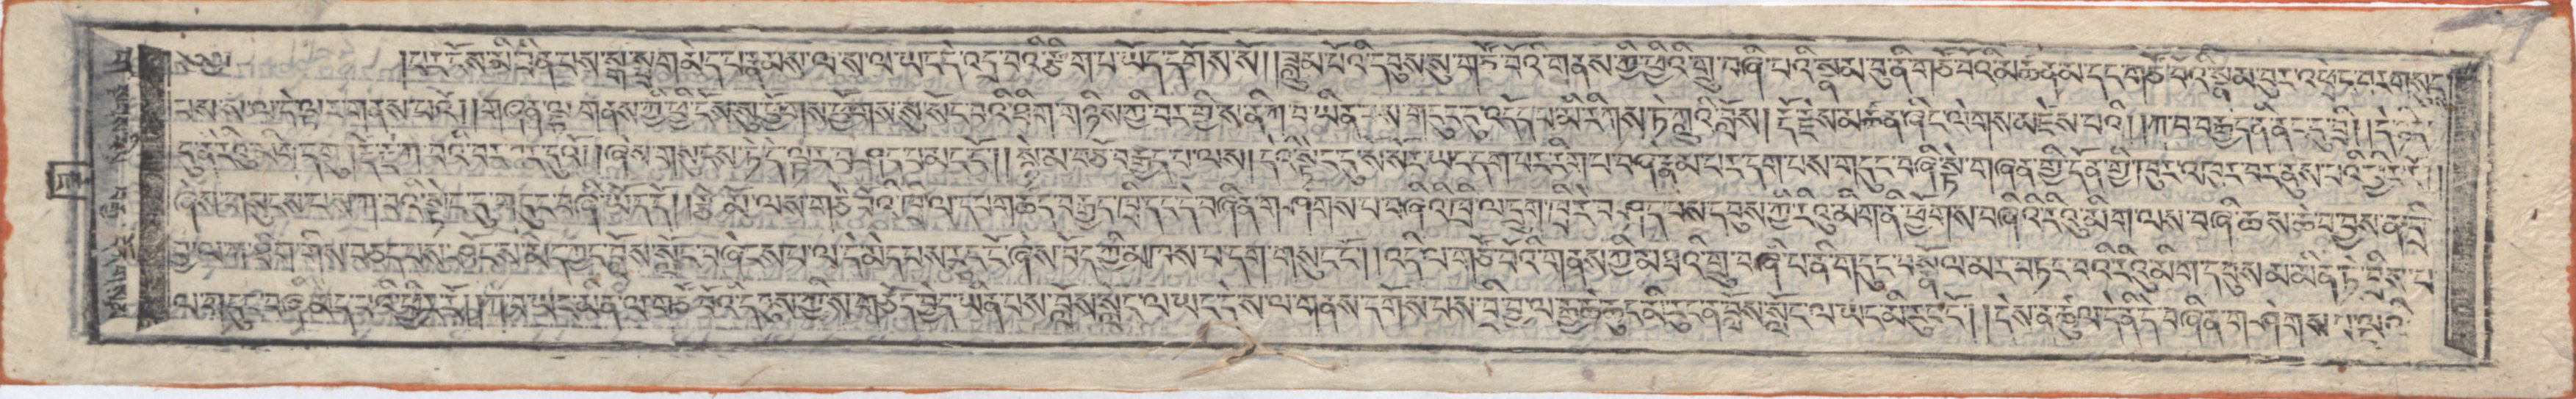༄༅། །པར་ངོས་མི་ཟིན་པས་སྒོ་སྦྲག་མེད་པ་རྣམས་ལ་ས་ལ་ཡང་དེ་འདྲ་བའི་རྩིག་པ་ཡོད་དགོས་སོ། །ཟླུམ་པོའི་དབུས་སུ་གཙོ་བོའི་གནས་ཀྱི་ཕྱིའི་གྲུ་བཞི་པའི་སྣམ་བུ་ནི་གཙོ་བོའི་མཚན་མ་དང་གཙོ་བོའི་སྣམ་བུར་འཕྲེང་བར་གསུངས་
པས་ས་ལ་དེ་ལྟར་གནས་པའོ། །གཞན་ལྟ་གནས་ཀྱི་ཕྱི་ངོས་སུ་ཕྱོགས་ཕྱོགས་སུ་སོང་བའི་ཐིག་གཉིས་ཀྱི་བར་གྱི་ས་ནི་ཀ་བ་ཡིན་པས་གདུང་དུ་འདོད་པ་མི་རིགས་ཏེ་ཀླུའི་བློས། རྡོ་རྗེས་མཚན་ཞིང་ལེགས་མཛེས་པའི། །ཀ་བ་བརྒྱད་ནི་ནང་དུ་བྲི། །དེ་ཉིད་
དུ་ནི་རིའུ་མིག་དགུ །རྡོ་རྗེ་ཀ་བའི་བར་བར་དུའོ། །ཞེས་གསུངས་ཏེ་དེ་ལྟར་བཤད་པ་མང་ངོ། །སྙེ་མ་བཅོ་བརྒྱད་པ་ལས། དེའི་སྟེང་དུ་སོ་སོར་ཡང་དག་པར་རིག་པ་བཞི་རྣམ་པར་དག་པས་གདུང་བཞི་སྟེ་གཞན་གྱི་དོན་གྱི་ཁུར་འཁུར་བར་ནུས་པའི་ཕྱིར་རོ། །
ཞེས་གསུངས་པས་ཀ་བའི་སྟེང་དུ་གདུང་བཞི་ཡོད་དོ། །རྩེ་མོ་ལས་གཙོ་བོའི་ཁྲི་ལ་དཔག་ཚད་བརྒྱད་ཁྲི་དང་དེ་བཞིན་གཤེགས་པ་བཞིའི་ཁྲི་ལ་དྲུག་ཁྲི་རེ་བཤད་པས་དབུས་ཀྱི་རིའུ་མིག་ནི་ཕྱོགས་བཞིའི་རིའུ་མིག་ལས་བཞི་ཆས་ཆེ་བ་བྱས་ན་བྲི་
བྱ་ལ་ཀ་ཐིག་གིས་བཅད་པས་ཤོང་ས་མེད་ཀྱང་བློས་སློང་བཞེངས་པ་ལ་དེ་མེད་པས་རུང་ངོ་ཞེས་བོད་ཀྱི་མཁས་པ་དག་གསུང་ངོ། །འདི་ལ་གཙོ་བོའི་གནས་ཀྱི་མཐའི་གྲུ་བཞི་པ་ནི་གདུང་བསྣོལ་མར་བཏང་བའི་རིའུ་མིག་དབུས་མ་མིན་ཏེ་བྲིས་པ་
ལ་གདུང་བཞི་མེད་པའི་ཕྱིར་རོ། །ཀ་བ་ཡང་མིན་ལ་གཙོ་བོའི་དབུས་ཀྱི་ས་གཅོད་བྱེད་ཡིན་པས་བློས་སློང་ལ་ཡང་དེ་ས་ལ་གནས་དགོས་པས་བྲི་བྱ་ལ་རྒྱ་ཆེ་ཆུང་མི་རུང་ན་བློས་སློང་ལ་ཡང་མི་རུང་ངོ། །དེས་ན་ཚུལ་དེ་ནི་དེ་བཞིན་གཤེགས་པ་ལྔའི་